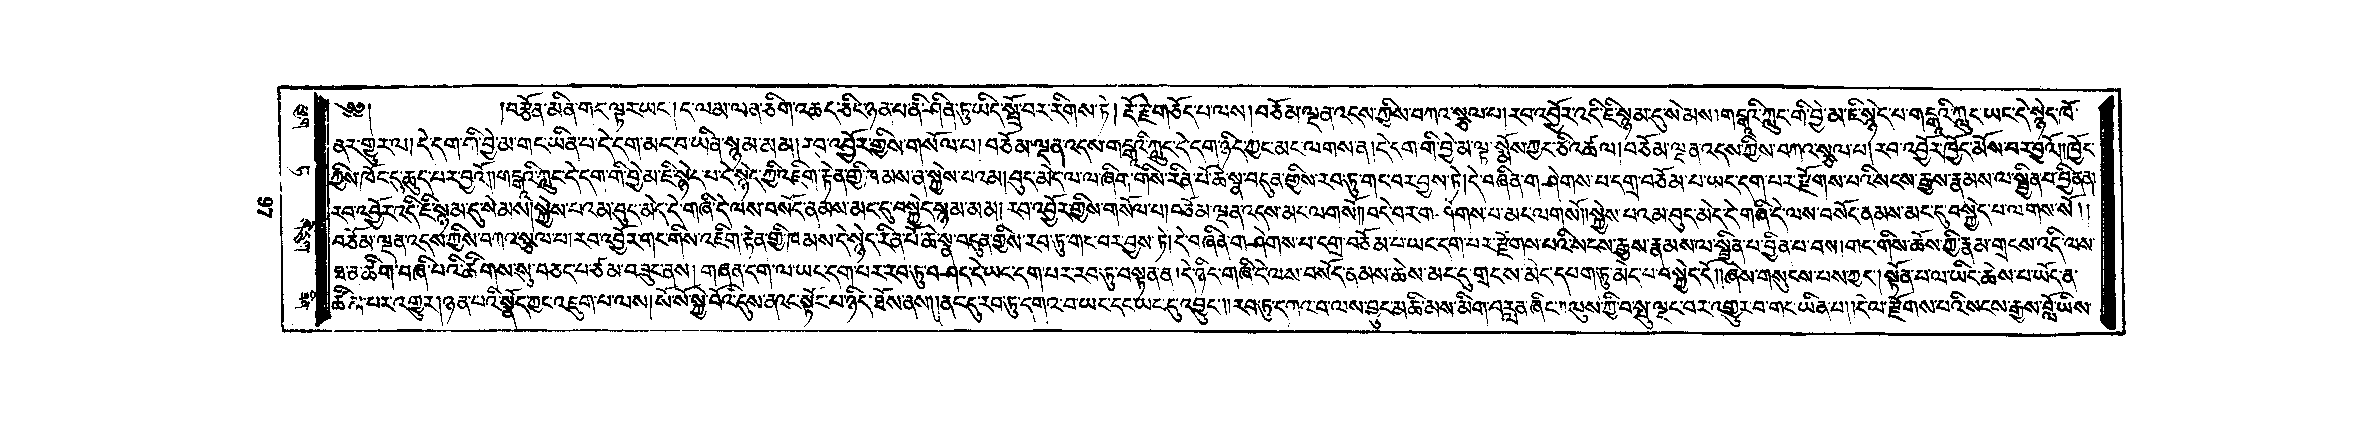༄༅། །བརྩོན་མིན་གང་ལྟར་ཡང་། ད་ལམ་ལན་ཅིག་འཆད་ཅིང་ཉན་པ་ནི་ཤིན་ཏུ་ཡིད་སྤྲོ་བར་རིགས་ཏེ། རྡོ་རྗེ་གཅོད་པ་ལས། བཅོམ་ལྡན་འདས་ཀྱིས་བཀའ་སྩལ་པ། རབ་འབྱོར་འདི་ཇི་སྙམ་དུ་སེམས། གངྒཱའི་ཀླུང་གི་བྱེ་མ་ཇི་སྙེད་པ་གངྒཱའི་ཀླུང་ཡང་དེ་སྙེད་ཁོ་
ནར་གྱུར་ལ། དེ་དག་གི་བྱེ་མ་གང་ཡིན་པ་དེ་དག་མང་བ་ཡིན་སྙམ་མམ། རབ་འབྱོར་གྱིས་གསོལ་བ། བཅོམ་ལྡན་འདས་གངྒཱའི་ཀླུང་དེ་དག་ཉིད་ཀྱང་མང་ལགས་ན། དེ་དག་གི་བྱེ་མ་ལྟ་སྨོས་ཀྱང་ཅི་འཚལ། བཅོམ་ལྡན་འདས་ཀྱིས་བཀའ་སྩལ་པ། རབ་འབྱོར་ཁྱོད་མོས་པར་བྱའོ། །ཁྱོད་
ཀྱིས་ཁོང་དུ་ཆུད་པར་བྱའོ། །གངྒཱའི་ཀླུང་དེ་དག་གི་བྱེ་མ་ཇི་སྙེད་པ་དེ་སྙེད་ཀྱི་འཇིག་རྟེན་གྱི་ཁམས་ན་སྐྱེས་པའམ། བུད་མེད་ལ་ལ་ཞིག་གིས་རིན་པོ་ཆེ་སྣ་བདུན་གྱིས་རབ་ཏུ་གང་བར་བྱས་ཏེ། དེ་བཞིན་གཤེགས་པ་དགྲ་བཅོམ་པ་ཡང་དག་པར་རྫོགས་པའི་སངས་རྒྱས་རྣམས་ལ་སྦྱིན་པ་བྱིན་ན།
རབ་འབྱོར་འདི་ཇི་སྙམ་དུ་སེམས། སྐྱེས་པའམ་བུད་མེད་དེ་གཞི་དེ་ལས་བསོད་ནམས་མང་དུ་བསྐྱེད་སྙམ་མམ། རབ་འབྱོར་གྱིས་གསོལ་པ། བཅོམ་ལྡན་འདས་མང་ལགས་སོ། །བདེ་བར་གཤེགས་པ་མང་ལགས་སོ། །སྐྱེས་པའམ་བུད་མེད་དེ་གཞི་དེ་ལས་བསོད་ནམས་མང་དུ་བསྐྱེད་པ་ལགས་སོ། །
བཅོམ་ལྡན་འདས་ཀྱིས་བཀའ་སྩལ་པ། རབ་འབྱོར་གང་གིས་འཇིག་རྟེན་གྱི་ཁམས་དེ་སྙེད་རིན་པོ་ཆེ་སྣ་བདུན་གྱིས་རབ་ཏུ་གང་བར་བྱས་ཏེ། དེ་བཞིན་གཤེགས་པ་དགྲ་བཅོམ་པ་ཡང་དག་པར་རྫོགས་པའི་སངས་རྒྱས་རྣམས་ལ་སྦྱིན་པ་བྱིན་པ་བས། གང་གིས་ཆོས་ཀྱི་རྣམ་གྲངས་འདི་ལས་
ཐ་ན་ཚིག་བཞི་པའི་ཚིགས་སུ་བཅད་པ་ཙམ་བཟུང་ནས། གཞན་དག་ལ་ཡང་དག་པར་རབ་ཏུ་བཤད་དེ་ཡང་དག་པར་རབ་ཏུ་བསྟན་ན། དེ་ཉིད་གཞི་དེ་ལས་བསོད་ནམས་ཆེས་མང་དུ་གྲངས་མེད་དཔག་ཏུ་མེད་པ་བསྐྱེད་དོ། །ཞེས་གསུངས་པས་ཀྱང་། སྟོན་པ་ལ་ཡིད་ཆེས་པ་ཡོད་ན་
ཚིམ་པར་འགྱུར། ཉན་པའི་སྣོད་ཀྱང་འཇུག་པ་ལས། སོ་སོ་སྐྱེ་བོའི་དུས་ནའང་སྟོང་པ་ཉིད་ཐོས་ནས། །ནང་དུ་རབ་ཏུ་དགའ་བ་ཡང་དང་ཡང་དུ་འབྱུང་། །རབ་ཏུ་དགའ་བ་ལས་བྱུང་མཆི་མས་མིག་བརླན་ཞིང་། །ལུས་ཀྱི་བ་སྤུ་ལྡང་བར་འགྱུར་བ་གང་ཡིན་པ། །དེ་ལ་རྫོགས་པའི་སངས་རྒྱས་བློ་ཡིས་